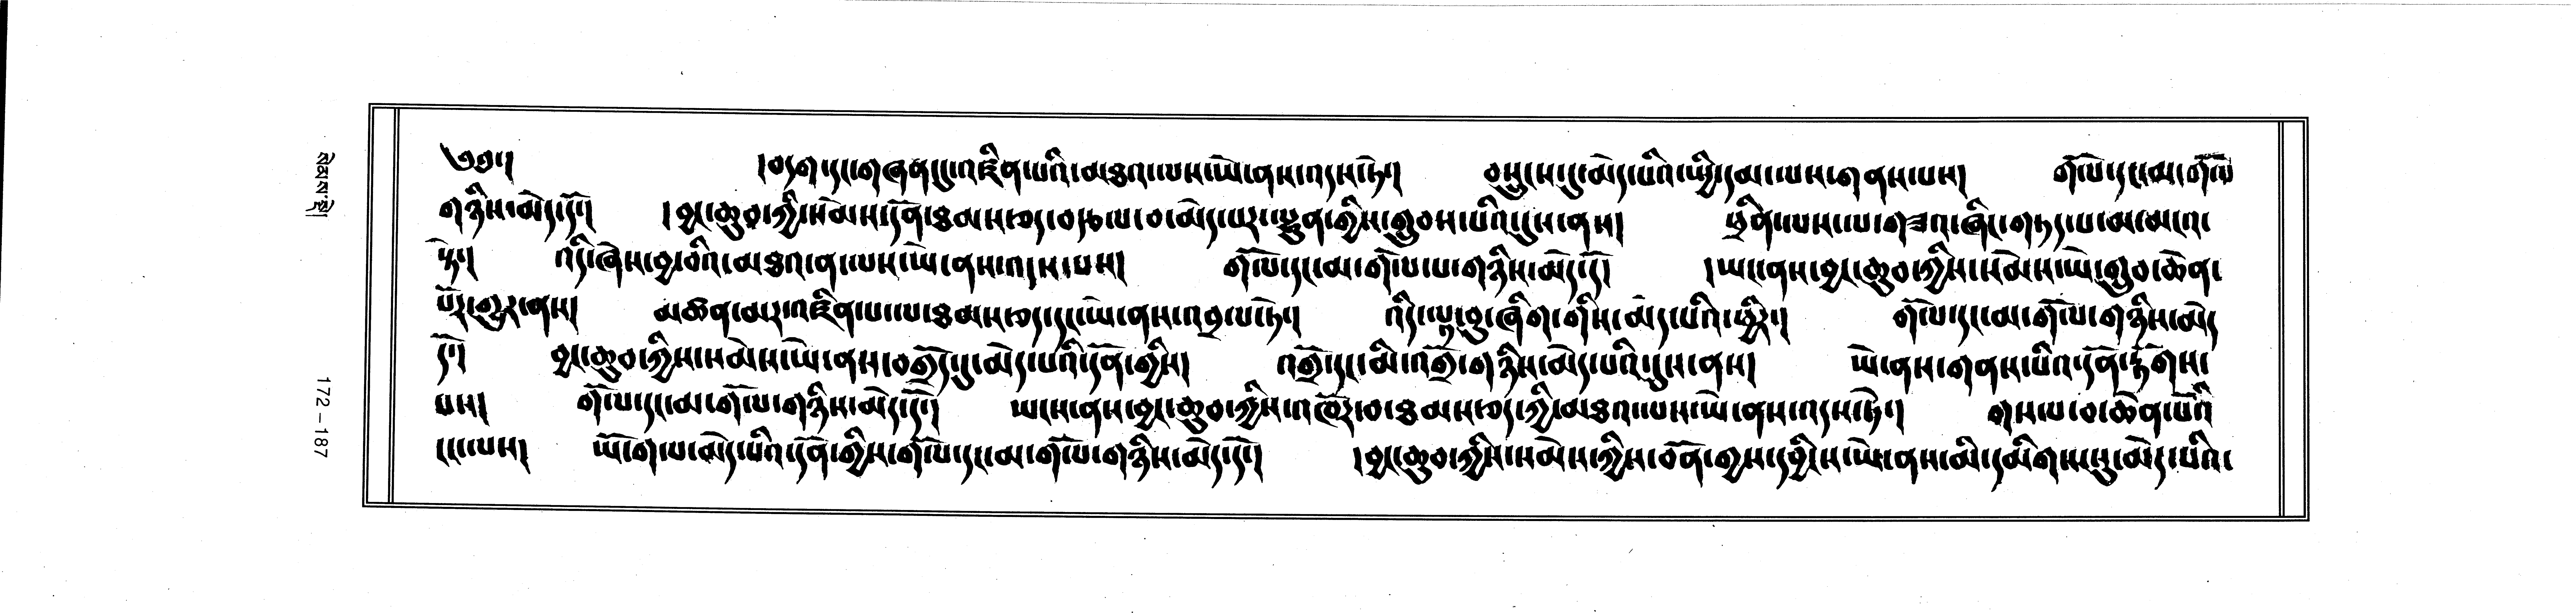བདག་དང་གཞན་དུ་འཛིན་པའི་མཐའ་ལས་ཡེ་ནས་འདས་ཏེ། བསྲུངས་དུ་མེད་པའི་སྤྱི་དམ་ལས་གནས་པས། གོལ་དང་མ་གོལ་
གཉིས་མེད་དོ། བྱང་ཆུབ་ཀྱིས་སེམས་དོན་ཐམས་ཅད་བརྩལ་བ་མེད་པར་ལྷུན་གྱིས་གྲུབས་པའི་དུས་ནས། ཕྲིན་ལས་ལ་གཟའ་ཞིང་གཏད་པ་མི་མངའ་
སྟེ། འདི་ཞེས་བྱ་བའི་མཐའ་ན་ལས་ཡེ་ནས་འདས་པས། གོལ་དང་མ་གོལ་པ་གཉིས་མེད་དོ། ཡང་ནས་བྱང་ཆུབ་ཀྱིས་སེམས་ཡེ་གྲུབ་ཆེན་
པོར་གྱུར་ནས། མཚན་མར་འཛིན་པ་ལ་ཐམས་ཅད་དང་ཡེ་ནས་འབྲལ་ཏེ། འདི་ལྟ་བུ་ཞིག་གིས་མེད་པའི་ཕྱིར། གོལ་དང་མ་གོལ་གཉིས་མེད་
དོ། བྱང་ཆུབ་ཀྱིས་སེམས་ཡེ་ནས་བགྲོད་དུ་མེད་པའི་དོན་གྱིས། འགྲོ་དང་མི་འགྲོ་གཉིས་མེད་པའི་དུས་ནས། ཡེ་ནས་གནས་པའི་དོན་རྟོགས་
པས། གོལ་དང་མ་གོལ་གཉིས་མེད་དོ། ཡང་ནས་བྱང་ཆུབ་ཀྱིས་འཁོར་བ་ཐམས་ཅད་ཀྱི་མཐའ་ལས་ཡེ་ནས་འདས་ཏེ། གསལ་བ་ཆེན་པོའི་
ངང་ལས། ཡོ་གལ་མེད་པའི་དོན་གྱིས་གོལ་དང་མ་གོལ་གཉིས་མེད་དོ། བྱང་ཆུབ་ཀྱིས་སེམས་བོན་གྱིས་དབྱིངས་ཡེ་ནས་མི་དམིགས་སུ་མེད་པའི་